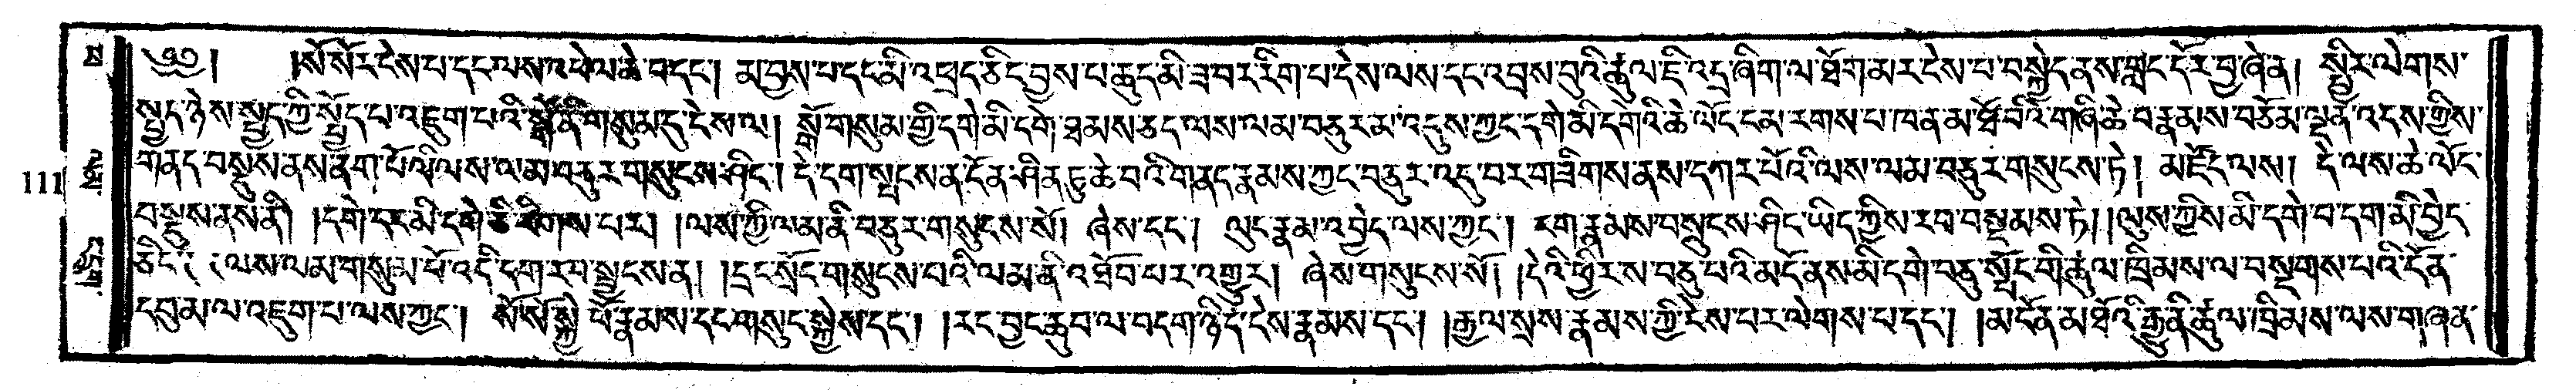༄༅། །སོ་སོར་ངེས་པ་དང་ལས་འཕེལ་ཆེ་བ་དང་། མ་བྱས་པ་དང་མི་འཕྲད་ཅིང་བྱས་པ་ཆུད་མི་ཟ་བར་རིག་པ་དེས་ལས་དང་འབྲས་བུའི་ཚུལ་ཇི་འདྲ་ཞིག་ལ་ཐོག་མར་ངེས་པ་བསྐྱེད་ནས་གླང་དོར་བྱ་ཞེ་ན། སྤྱིར་ལེགས་
སྤྱད་ཉེས་སྤྱད་ཀྱི་སྤྱོད་པ་འཇུག་པའི་སྒོ་ནི་གསུམ་དུ་ངེས་ལ། སྒོ་གསུམ་གྱི་དགེ་མི་དགེ་ཐམས་ཅད་ལས་ལམ་བཅུར་མ་འདུས་ཀྱང་དགེ་མི་དགེའི་ཆེ་ལོང་ངམ་རགས་པ་ཁ་ན་མ་ཐོ་བའི་གཞི་ཆེ་བ་རྣམས་བཅོམ་ལྡན་འདས་གྱིས་
གནད་བསྡུས་ནས་ནག་པོ་ལི་ལས་ལམ་བཅུར་གསུངས་ཤིང་། དེ་དག་སྤངས་ན་དོན་ཤིན་ཏུ་ཆེ་བའི་གནད་རྣམས་ཀྱང་བཅུར་འདུ་བར་གཟིགས་ནས་དཀར་པོའི་ལས་ལམ་བཅུར་གསུངས་ཏེ། མཛོད་ལས། དེ་ལས་ཆེ་ལོང་
བསྡུས་ནས་ནི། །དགེ་དང་མི་དགེ་ཅི་རིགས་པར། །ལས་ཀྱི་ལམ་ནི་བཅུར་གསུངས་སོ། ཞེས་དང་། ལུང་རྣམ་འབྱེད་ལས་ཀྱང་། ངག་རྣམས་བསྲུངས་ཤིང་ཡིད་ཀྱིས་རབ་བསྔམས་ཏེ། །ལུས་ཀྱིས་མི་དགེ་བ་དག་མི་བྱེད་
ཅིང་༑ ༑ལས་ལམ་གསུམ་པོ་འདི་དག་རབ་སྦྱངས་ན། །དྲང་སྲོང་གསུངས་པའི་ལམ་ནི་འཐོབ་པར་འགྱུར། ཞེས་གསུངས་སོ། །དེའི་ཕྱིར་ས་བཅུ་པའི་མདོ་ནས་མི་དགེ་བཅུ་སྤོང་གི་ཚུལ་ཁྲིམས་ལ་བསྔགས་པའི་དོན་
དབུ་མ་ལ་འཇུག་པ་ལས་ཀྱང་། སོ་སོ་སྐྱེ་པོ་རྣམས་དང་གསུང་སྐྱེས་དང་། །རང་བྱང་ཆུབ་ལ་བདག་ཉིད་དེས་རྣམས་དང་། །རྒྱལ་སྲས་རྣམས་ཀྱི་ངེས་པར་ལེགས་པ་དང་། །མངོན་མཐོའི་རྒྱུ་ནི་ཚུལ་ཁྲིམས་ལས་གཞན་